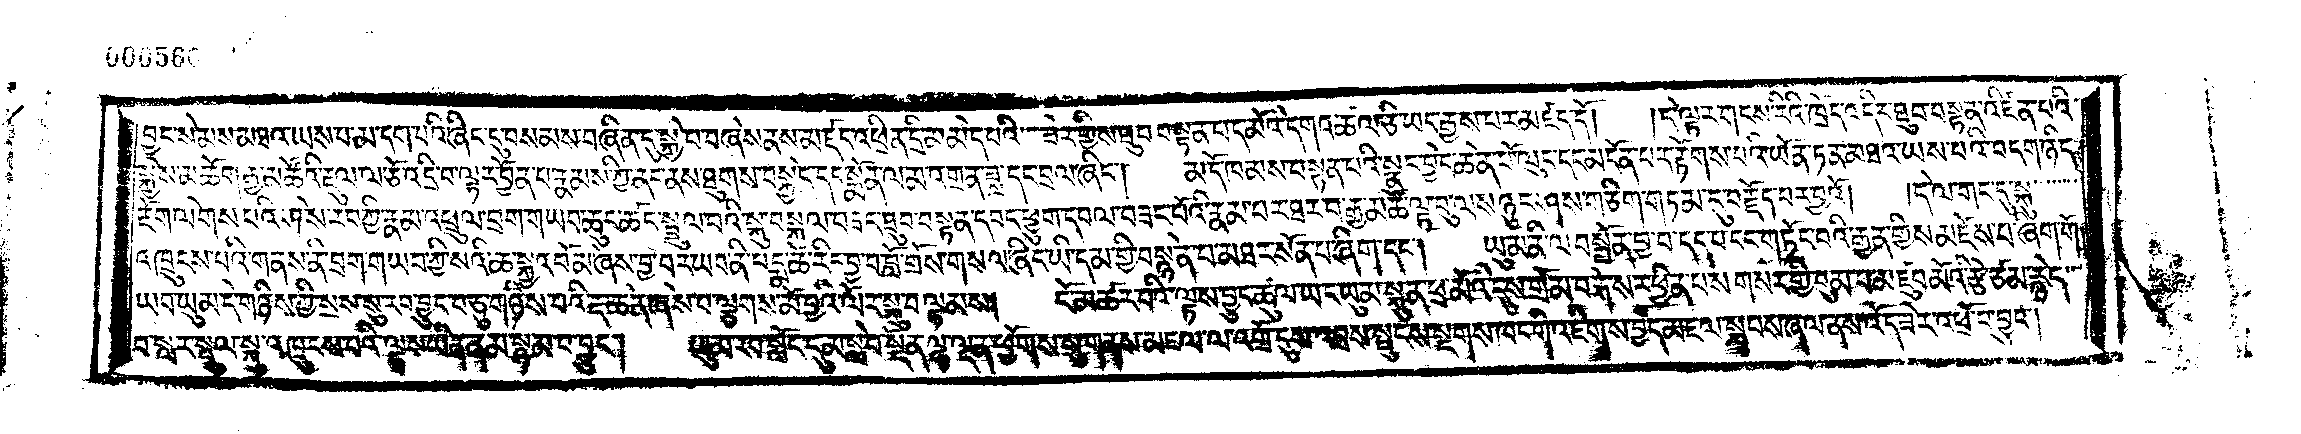བྱང་སེམས་མཐའ་ཡས་པ་མ་དག་པའི་ཞིང་དུ་བསམས་བཞིན་དུ་སྐྱེ་བ་བཞེས་ནས་མཛད་འཕྲིན་དྲི་མ་མེད་པའི་ཟེར་གྱིས་ཐུབ་བསྟན་པད་མོའི་དགའ་ཚལ་ཅི་ཡང་རྒྱས་པར་མཛད་དོ། །དེ་ལྟར་གངས་རིའི་ཁྲོད་འདིར་ཐུབ་བསྟན་འཛིན་བའི་
སྐྱེས་མཆོག་རྒྱ་མཚོའི་རྡུལ་ལ་ཅོ་འདྲི་པ་ལྟར་བྱོན་པ་རྣམས་ཀྱི་ནང་ནས་ཐུགས་བསྐྱེད་དང་སྨོན་ལམ་འགྲན་ཟླ་དང་བྲལ་ཞིང་། མདོ་ཁམས་བསྟན་པའི་སྣང་བྱེད་ཆེན་པོ་ལུང་དང་མངོན་བར་རྟོགས་པའི་ཡོན་ཏན་མཐའ་ཡས་པའི་བདག་ཉིད་
རྔོག་ལེགས་པའི་ཤེས་རབ་ཀྱི་རྣམ་འཕྲུལ་བྲག་གཡབ་ཆུང་ཚང་སྤྲུལ་བའི་སྐུ་བསྐལ་བཟང་ཐུབ་བསྟན་དབང་ཕྱུག་དཔལ་བཟང་པོའི་རྣམ་པར་ཐར་བརྒྱ་མཚོ་ལྟ་བུ་ལས་ཉུང་ཤས་གཅིག་གཏམ་དུ་བརྗོད་པར་བྱའོ། །དེ་ལ་གང་དུ་སྐུ་
འཁྲུངས་པའི་གནས་ནི་བྲག་གཡབ་ཀྱི་སའི་ཆ་སྐྱ་འབོམ་ཞེས་བྱ་བར་ཡབ་ནི་པདམ་ཚེ་རིང་བྱ་བ་བློ་གྲོས་གསལ་ཞིང་ཡི་དམ་གྱི་བསྙེན་བ་མཐར་སོན་པ་ཞིག་དང་། ཡུམ་ནི་ལབ་སྒྲོན་བྱ་བ་དད་པ་དང་གཏོང་བའི་རྒྱན་གྱིས་མཛེས་པ་ཞིག་གོ།
ཡབ་ཡུམ་དེ་གཉིས་ཀྱི་སྲས་སུ་རབ་བྱུང་བཅུ་གཉིས་པའི་རྔ་ཆེན་ཞེས་པ་ལྕགས་མོ་བྱའི་ལོར་སྐུ་བལྟམས། ངོ་མཚར་བའི་ལྟས་བྱུང་ཚུལ་ཡང་ཡུམ་སྐུན་ཕྲ་མོའི་དུས་གྲོ་མ་བརྐོ་སར་ཕྱིན་པས་གསར་གྱི་བུམ་པ་མཛུབ་མོའི་རྩེ་ཙམ་རྙེད་
པ་སླར་སྤྲུལ་སྐུ་འཁྲུངས་པའི་ལྟས་ཡིན་ནམ་སྙམ་པ་བྱུང་། ཡུམ་རབ་སློང་དུ་མ་སླེབ་སྔོན་ལྷ་ལྡན་ཕྱོགས་སུ་གནས་མཇལ་ལ་འགྲོ་དུས་འབྲས་སྤུངས་སྔགས་ཁང་གི་འཇིགས་བྱེད་མཇལ་སྐབས་ཞལ་ནས་འོད་ཟེར་འཕྲོ་བ་བྱུང་།